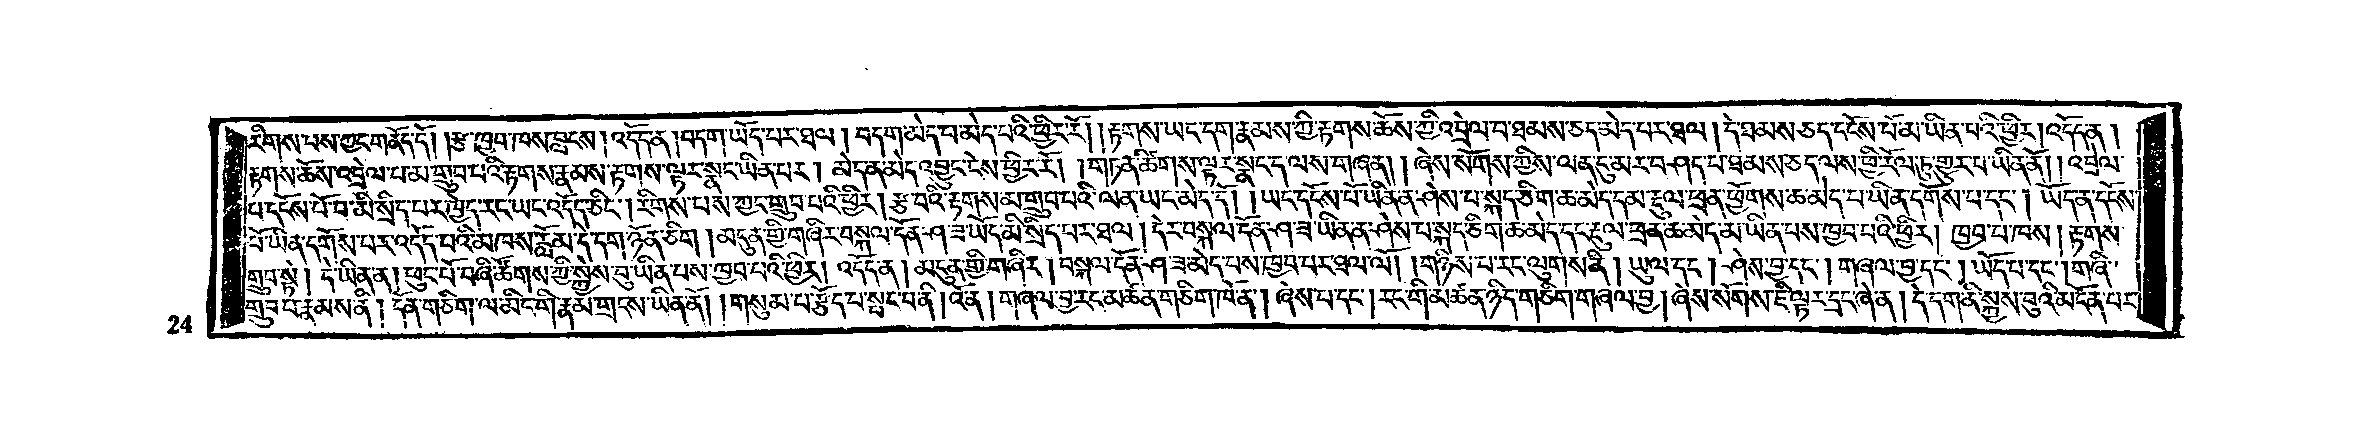རིགས་པས་ཀྱང་གནོད་དོ། །རྩ་ཁྱབ་ཁས་བླངས། འདོད་ན། བདག་ཡོད་པར་ཐལ། བདག་མེད་པ་མེད་པའི་ཕྱིར་རོ། །རྟགས་ཡང་དག་རྣམས་ཀྱི་རྟགས་ཆོས་ཀྱི་འབྲེལ་བ་ཐམས་ཅད་མེད་པར་ཐལ། དེ་ཐམས་ཅད་དངོས་པོ་མ་ཡིན་པའི་ཕྱིར། འདོད་ན།
རྟགས་ཆོས་འབྲེལ་པ་མ་གྲུབ་པའི་རྟགས་རྣམས་རྟགས་ལྟར་སྣང་ཡིན་པར། མེད་ན་མེད་འབྱུང་ངེས་ཕྱིར་རོ། །གཏན་ཚིགས་ལྟར་སྣང་དེ་ལས་གཞན། །ཞེས་སོགས་ཀྱིས་ལན་དུ་མར་བཤད་པ་ཐམས་ཅད་ལས་ཕྱི་རོལ་ཏུ་གྱུར་པ་ཡིན་ནོ། །འབྲེལ་
པ་དངོས་པོ་བ་མི་སྲིད་པར་ཁྱེད་རང་ཡང་འདོད་ཅིང་། རིགས་པས་ཀྱང་གྲུབ་པའི་ཕྱིར། རྩ་བའི་རྟགས་མ་གྲུབ་པའི་ལན་ཡང་མེད་དོ། །ཡང་དངོས་པོ་ཡིན་ན་ཤེས་པ་སྐད་ཅིག་ཆ་མེད་དམ་རྡུལ་ཕྲན་ཕྱོགས་ཆ་མེད་པ་ཡིན་དགོས་པ་དང་། ཡོད་ན་དངོས་
པོ་ཡིན་དགོས་པར་འདོད་པའི་མཁས་རློམ་དེ་དག་ཉོན་ཅིག ། མདུན་གྱི་གཞིར་བསྐལ་དོན་ཤ་ཟ་ཡོད་མི་སྲིད་པར་ཐལ། དེར་བསྐལ་དོན་ཤ་ཟ་ཡིན་ན་ཤེས་པ་སྐད་ཅིག་ཆ་མེད་དང་རྡུལ་ཕྲན་ཆ་མེད་མ་ཡིན་པས་ཁྱབ་པའི་ཕྱིར། ཁྱབ་པ་ཁས། རྟགས་
གྲུབ་སྟེ། དེ་ཡིན་ན། ཕུང་པོ་བཞི་ཚོགས་ཀྱི་སྐྱེས་བུ་ཡིན་པས་ཁྱབ་པའི་ཕྱིར། འདོད་ན། མདུན་གྱི་གཞིར། བསྐལ་དོན་ཤ་ཟ་མེད་པས་ཁྱབ་པར་ཐལ་ལོ། །གཉིས་པ་རང་ལུགས་ནི། ཡུལ་དང་། ཤེས་བྱ་དང་། གཞལ་བྱ་དང་། ཡོད་པ་དང་། གཞི་
གྲུབ་པ་རྣམས་ནི། དོན་གཅིག་ལ་མིང་གི་རྣམ་གྲངས་ཡིན་ནོ། །གསུམ་པ་རྩོད་པ་སྤང་བ་ནི། འོ་ན། གཞལ་བྱ་རང་མཚན་གཅིག་ཁོ་ན། ཞེས་པ་དང་། རང་གི་མཚན་ཉིད་གཅིག་གཞལ་བྱ། ཞེས་སོགས་ཇི་ལྟར་དྲང་ཞེ་ན། དེ་དག་ནི་སྐྱེས་བུའི་མངོན་པར་